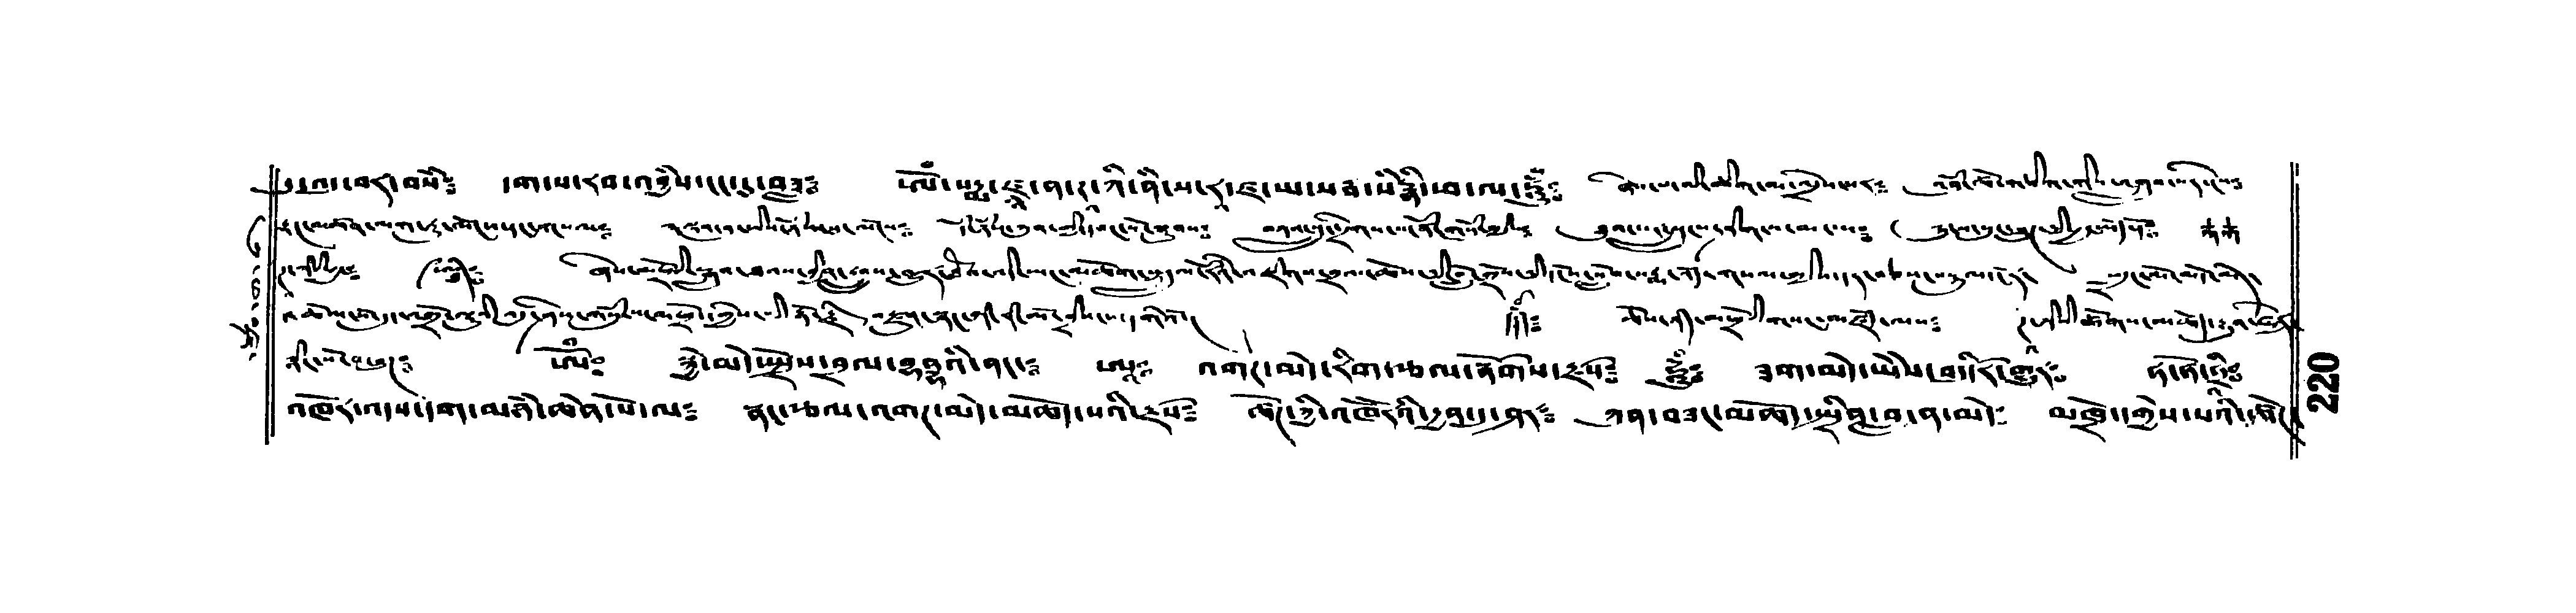དུ་འདུ་བར་བསམ༔ དག་པ་རབ་འབྱམས་ངང་དུ་བཟླ༔ ཨོཾ་པདྨ་ཛྙཱ་ན་ཌཱ་ཀི་ནི་ས་རཱ་ཛ་ཡ་སརྦ་སིདྡྷི་ཕ་ལ་ཧཱུྃ༔ ཞེས་པ་མི་ཚིག་མ་འདྲེས་པར༔ འབུམ་ཚོ་གཅིག་གིས་འགྲུབ་པར་ངེས༔ 
རྟགས་མཚན་ལག་ཏུ་ལོངས་དང་གསལ༔ སྐལ་ལྡན་བུ་ཡིས་ཉམས་སུ་ལོངས༔ དམ་ཉམས་ཀུན་གྱི་དབང་པོ་སྣུབས༔ བཀའ་སྲུང་དྲེགས་པ་རྣམ་གསུམ་གྱིས༔ ཐུབ་པར་སྲུངས་ཤིག་ས་མ་ཡ༔ སྐུ་གསུང་ཐུགས་ཀྱི་རྒྱ་ཡོད་དོ༔ 
ཌཱ་ཀིའི་རྒྱ༔ ༔ ཞེས་མཁའ་འགྲོའི་སྒྲུབ་ཐབས་བྱིན་རླབས་མྱུར་འཐོབ་འདི་ཡང་མཆོག་སྤྲུལ་རིན་ཆེན་འཇིགས་བྲལ་ཆོས་ཀྱི་བློ་གྲོས་ཀྱི་དངོས་སློབ་པདྨ་འོད་གསལ་གྱིས་དར་བཅས་བསྐུལ་ངོར། སྤྲང་མོ་མདོ་མེད་
འཆོལ་མ་དུད་འགྲོ་ལྟ་བུའི་འདུ་ཤེས་གསུམ་པ་མཁའ་འགྲོ་དགྱེས་པའི་རྡོ་རྗེས་བརྫུན་སྣང་གི་རི་མོ་བྲིས་པ་དགེའོ།། ཆོས་ཉིད་མཁའ་འགྲོའི་གསང་མཛོད་ལས༔ ཌཱ་ཀིའི་ཚོགས་མཆོད་རྒྱུན་ཁྱེར་
སྙིང་པོ་བཞུགས༔ ཨོཾ༔ སྐྱེ་མེད་སྤྲོས་བྲལ་བྷནྡྷའི་ནང༔ ཨཱ༔ འགག་མེད་རིག་རྩལ་སྣ་ཚོགས་རྫས༔ ཧཱུྃ༔ ཟག་མེད་ཡེ་ཤེས་བདུད་རྩིར་གྱུར༔ ཧ་ཧོ་ཧྲཱིཿ 
འཁོར་འདས་དག་མཉམ་ཆེན་པོ་ལ༔ སྣང་རྩལ་འགག་མེད་མཆོད་པའི་རྫས༔ ཚོགས་ཀྱི་འཁོར་ལོའི་རྒྱན་དུ་ཤར༔ ཀུན་བཟང་མཆོད་སྤྲིན་བླ་ན་མེད༔ མཁའ་འགྲོ་དགྱེས་པའི་ཚོགས་